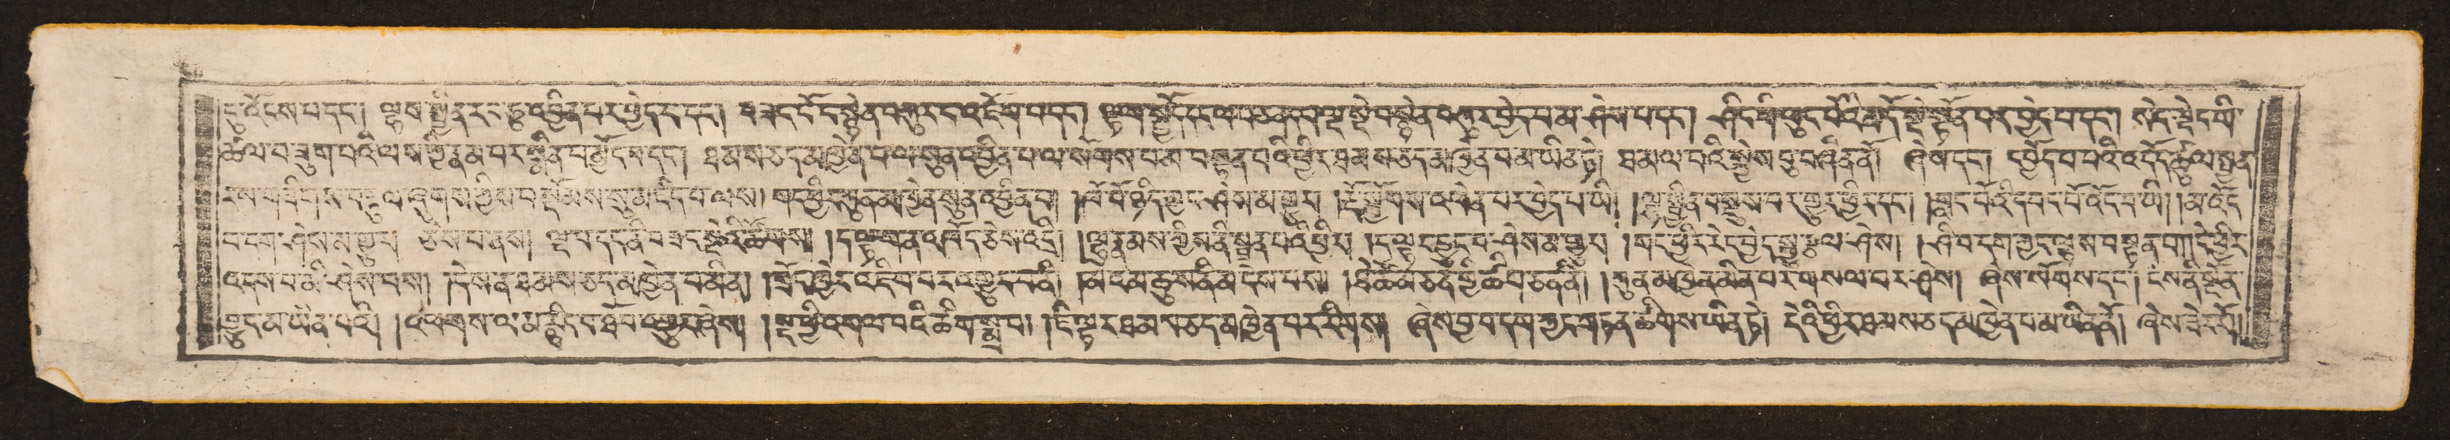དུ་འོངས་པ་དང་། ལྷས་སྦྱིན་རབ་ཏུ་འབྱིན་པར་བྱེད་པ་དང་། བཟང་པོ་བསྙེན་བཀུར་བ་འཇོག་པ་དང་། ལྟག་སྤྱོད་དང་ལ་བ་ཅན་དང་། ལྔ་སྡེ་བསྙེན་བཀུར་བྱེད་པ་མ་ཤེས་པ་དང་། ཤིང་གི་ཕུང་པོའི་མདོ་སྡེ་སྟོན་པར་བྱེད་པ་དང་། སེང་ལྡེང་གི་
ཚལ་བ་ཟུག་པའི་ལས་ཀྱི་རྣམ་པར་སྨིན་པ་མྱོང་བ་དང་། ཐམས་ཅད་མཁྱེན་པ་ལ་སུན་འབྱིན་པ་ལ་སོགས་པ་མ་བསྟན་པའི་ཕྱིར་ཐམས་ཅད་མཁྱེན་པ་མ་ཡིན་ཏེ། ཐ་མལ་བའི་སྐྱེས་བུ་བཞིན་ནོ། ཞེས་དང་། དཔྱོད་པ་པའི་འདོད་ཚུལ་སྤྱན་
རས་གཟིགས་བརྟུལ་ཞུགས་ཀྱིས་བསྡོམས་སུ་མཛད་པ་ལས། གང་ཕྱིར་ཀུན་མཁྱེན་སུན་འབྱིན་པ། །ཁོ་བོ་ཉིད་ཀྱང་ཤེས་མ་གྱུར། །རྡོ་སྒྱོགས་འཕེན་པར་བྱེད་པ་ཡི། །ལྷ་སྦྱིན་བསྡུས་པར་གྱུར་ཕྱིར་དང་། །གླང་པོའི་དབང་པོ་འོང་བ་ཡི། །མ་འོང་
བདག་ཤེས་མ་གྱུར། ཅེས་པ་ནས། ལྔ་པ་དང་ནི་བཟང་སྡེའི་ཚོགས། །ད་ལྟ་གན་འཁོད་ཅེས་འདྲི། །ལྷ་རྣམས་ཀྱིས་ནི་སྦྲན་པའི་ཕྱིར། །ད་ལྟར་བྱུང་བ་ཤེས་མ་གྱུར། །གང་ཕྱིར་རེང་བྱེད་སྒྱུ་རྩལ་ཤེས། །ཤི་བ་དག་ཀྱང་ལྷས་བསྟན་པ། །དེ་ཕྱིར་
འདས་པ་མི་ཤེས་པས། །དེས་ན་ཐམས་ཅད་མཁྱེན་པ་མིན། །གྲོང་ཁྱེར་འཇིག་པར་འགྱུར་བ་ནི། །མེའམ་ཆུས་ནི་མ་ངེས་པས། །ཐེ་ཚོམ་ཅན་གྱི་ཚིག་ཅན་ནི། །ཀུན་མཁྱེན་མིན་པར་གསལ་བར་ཤེས། ཞེས་སོགས་དང་། ངས་ནི་སྔོན་
བྱུང་མ་ཡིན་པའི། །འཕགས་ལམ་རྙིང་བ་ཐོབ་འགྱུར་ཞེས། །སྔ་ཕྱི་འགལ་བའི་ཚིག་སྨྲ་བ། །ཇི་ལྟར་ཐམས་ཅད་མཁྱེན་པར་རིགས། ཞེས་བྱ་བ་དག་ཀྱང་གཏན་ཚིགས་ཡིན་ཏེ། དེའི་ཕྱིར་ཐམས་ཅད་མཁྱེན་པ་མ་ཡིན་ནོ། ཞེས་ཟེར་རོ།།